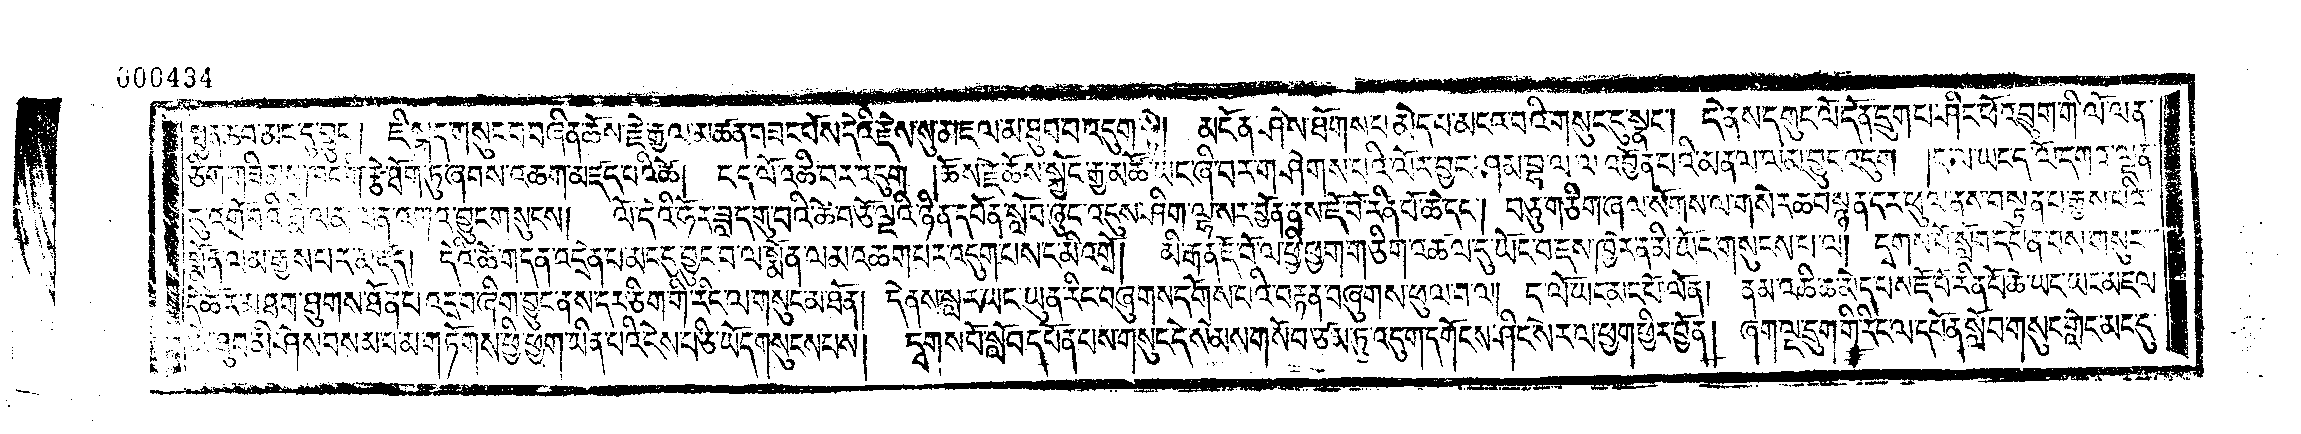སྤྱན་ཆབ་མང་དུ་བྱུང་། ཇི་སྐད་གསུང་བ་བཞིན་ཆོས་རྗེ་རྒྱལ་མཚན་བཟང་པོས་དེའི་རྗེས་སུ་མཇལ་མ་ཐུབ་པ་འདུག་སྟེ། མངོན་ཤེས་ཐོགས་པ་མེད་པ་མངའ་པའི་གསུང་དུ་སྣང་། དེ་ནས་དགུང་ལོ་དོན་དྲུག་པ་ཤིང་ཕོ་འབྲུག་གི་ལོ་ལན་
ཅིག་གཟིམས་ཁང་གི་རྩེ་ཐོག་ཏུ་ཞབས་འཆག་མཛད་པའི་ཚེ། ང་ད་ལོ་འཆི་བར་འདུག །ཆོས་རྗེ་ཆོས་སྐྱོང་རྒྱ་མཚོ་ཡང་ཞི་བར་གཤེགས་པའི་ལོར་བྱང་ཤམ་བྷ་ལ་ལ་འབྱོན་པའི་མནལ་ལམ་བྱུང་འདུག །ང་ལ་ཡང་ད་ལོ་དགའ་ལྡན་
དུ་འགྲོ་བའི་རྨི་ལམ་ལན་འགའ་བྱུང་གསུངས། ལོ་དེའི་ཧོར་ཟླ་དགུ་པའི་ཚེ་བཅོ་ལྔའི་ཉིན་དཔོན་སློབ་ཉུང་འདུས་ཤིག་ལྷ་སར་བྱོན་ནས་ཇོ་པོ་རིན་པོ་ཆེ་དང་། བཅུ་གཅིག་ཞལ་སོགས་ལ་གསེར་ཆབ་སྙན་དར་ཕུལ་ནས་བསྟན་པ་རྒྱས་པའི་
སྨོན་ལམ་རྒྱས་པར་མཛད། དེའི་ཚེ་གདན་འདྲེན་པ་མང་དུ་བྱང་བ་ལ་སྨོན་ལམ་འཆག་པར་འདུག་པས་ང་མི་འགྲོ། མི་རྒན་ཇོ་བོ་ལ་ཕྱི་ཕྱག་གཅིག་འཚལ་དུ་ཡོང་པ་ཇས་ཁྱེར་ན་མི་ཡོང་གསུངས་པ་ལ། དྭགས་པོ་སློབ་དཔོན་པས་གསུང་
དེ་ཚེར་མ་ཐག་ཐུགས་ཐོན་པ་འདྲ་བ་ཞིག་བྱུང་ནས་དར་ཅིག་ག་རིང་ལ་གསུང་མ་ཐོན། དེ་ནས་སླར་ཡང་ཡུན་རིང་བཞུགས་དགོས་པའི་བརྟན་བཞུགས་ཕུལ་བ་ལ། ད་ལོ་ཡང་མང་པོ་ལོན། ནམ་འཆི་ཆ་མེད་པས་ཇོ་བོ་རིན་པོ་ཆེ་ཡང་ཡང་མཇལ་
ཨེ་ཐུབ་མི་ཤེས་བསམ་པ་མ་གཏོགས་ཕྱི་ཕྱག་ཡིན་པའི་དེས་པ་ཅི་ཡོད་གསུངས་པས། དྭགས་པོ་སློབ་དཔོན་པས་གསུང་དེ་སེམས་གསོ་བ་ཙམ་ཏུ་འདུག་དགོངས་ཤིང་སེ་རལ་ཕྱག་ཕྱིར་བྱོན། ཞག་ལྔ་དྲུག་གི་རིང་ལ་དཔོན་སློབ་གསུང་གླེང་མང་དུ་